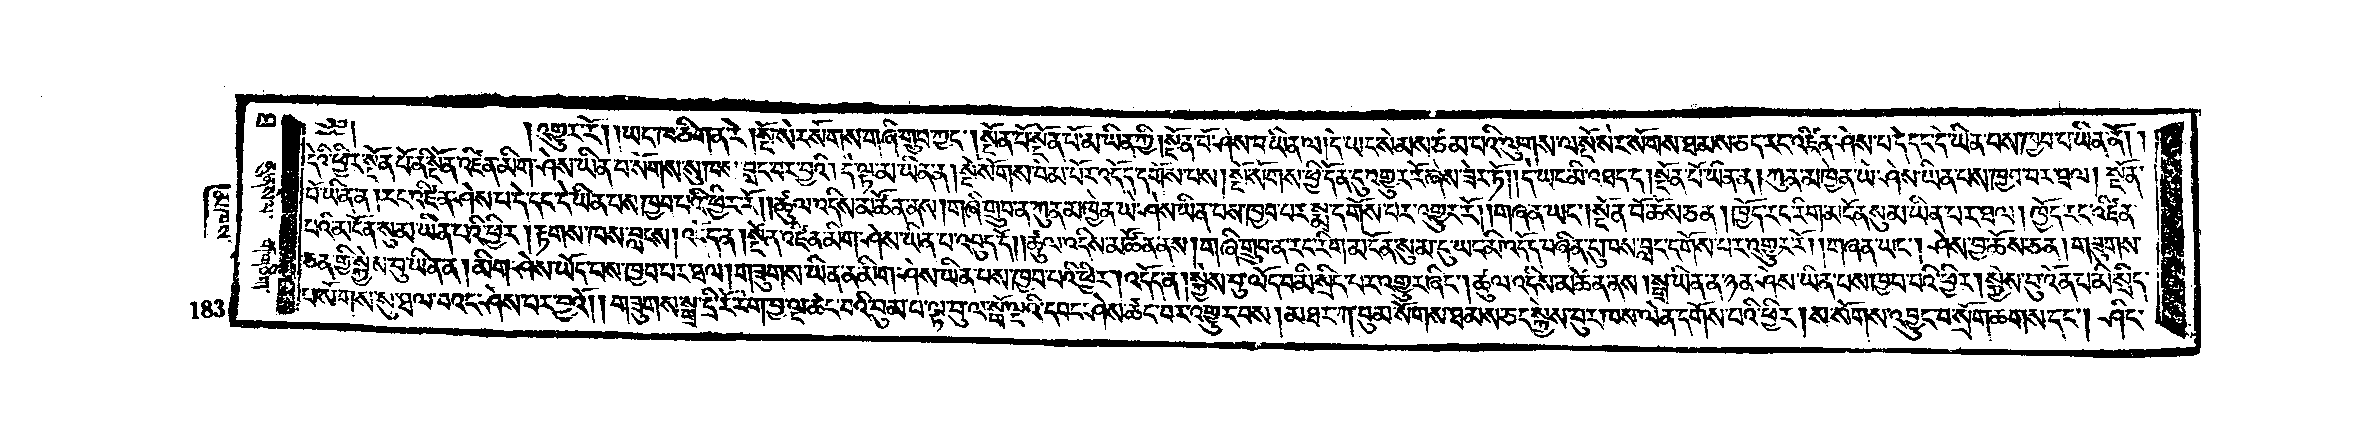༄༅། །འགྱུར་རོ། །ཡང་ཁ་ཅིག་ན་རེ། སྔོ་སེར་སོགས་གཞི་གྲུབ་ཀྱང་། སྔོན་པོ་སྔོན་པོ་མ་ཡིན་གྱི། སྔོན་པོ་ཤེས་པ་ཡིན་ལ། དེ་ཡང་སེམས་ཙམ་པའི་ལུགས་ལ་སྔོ་སེར་སོགས་ཐམས་ཅད་རང་འཛིན་ཤེས་པ་དེ་དང་དེ་ཡིན་པས་ཁྱབ་པ་ཡིན་ནོ། །
དེའི་ཕྱིར་སྔོན་པོ་ནི་སྔོན་འཛིན་མིག་ཤེས་ཡིན་པ་སོགས་སུ་ཁས་བླང་བར་བྱའི། དེ་ལྟ་མ་ཡིན་ན། སྔོ་སོགས་བེམ་པོར་འདོད་དགོས་པས། སྔོ་སོགས་ཕྱི་དོན་དུ་འགྱུར་རོ་ཞེས་ཟེར་ཏོ། །དེ་ཡང་མི་འཐད་དེ། སྔོན་པོ་ཡིན་ན། ཀུན་མཁྱེན་ཡེ་ཤེས་ཡིན་པས་ཁྱབ་པར་ཐལ། སྔོན་
པོ་ཡིན་ན། རང་འཛིན་ཤེས་པ་དེ་དང་དེ་ཡིན་པས་ཁྱབ་པའི་ཕྱིར་རོ། །ཚུལ་འདིས་མཚོན་ནས། གཞི་གྲུབ་ན་ཀུན་མཁྱེན་ཡེ་ཤེས་ཡིན་པས་ཁྱབ་པར་སྨྲ་དགོས་པར་འགྱུར་རོ། །གཞན་ཡང་། སྔོན་པོ་ཆོས་ཅན། ཁྱོད་རང་རིག་མངོན་སུམ་ཡིན་པར་ཐལ། ཁྱོད་རང་འཛིན་
པའི་མངོན་སུམ་ཡིན་པའི་ཕྱིར། རྟགས་ཁས་བླངས། འདོད་ན། སྔོན་འཛིན་མིག་ཤེས་ཡིན་པ་འབུད་དོ། །ཚུལ་འདིས་མཚོན་ནས། གཞི་གྲུབ་ན་རང་རིག་མངོན་སུམ་དུ་ཡང་མི་འདོད་བཞིན་དུ་ཁས་བླང་དགོས་པར་འགྱུར་རོ། །གཞན་ཡང་། ཤེས་བྱ་ཆོས་ཅན། གཟུགས་
ཅན་གྱི་སྐྱེས་བུ་ཡིན་ན། མིག་ཤེས་ཡོད་པས་ཁྱབ་པར་ཐལ། གཟུགས་ཡིན་ན་མིག་ཤེས་ཡིན་པས་ཁྱབ་པའི་ཕྱིར། འདོད་ན། སྐྱེས་བུ་ལོང་བ་མི་སྲིད་པར་འགྱུར་ཞིང་། ཚུལ་འདིས་མཚོན་ནས། སྒྲ་ཡིན་ན་ཉན་ཤེས་ཡིན་པས་ཁྱབ་པའི་ཕྱིར། སྐྱེས་བུ་འོན་པ་མི་སྲིད་
པ་སོགས་སུ་ཐལ་བའང་ཤེས་པར་བྱའོ། །གཟུགས་སྒྲ་དྲི་རོ་རེག་བྱ་ལྔ་ཆེང་བའི་བུམ་པ་ལྟ་བུ་ལ་སྒོ་ལྔའི་དབང་ཤེས་ཚང་བར་འགྱུར་བས། མཐར་ཀ་བུམ་སོགས་ཐམས་ཅད་སྐྱེས་བུར་ཁས་ལེན་དགོས་པའི་ཕྱིར། ས་སོགས་འབྱུང་བ་སྲོག་ཆགས་དང་། ཤིང་